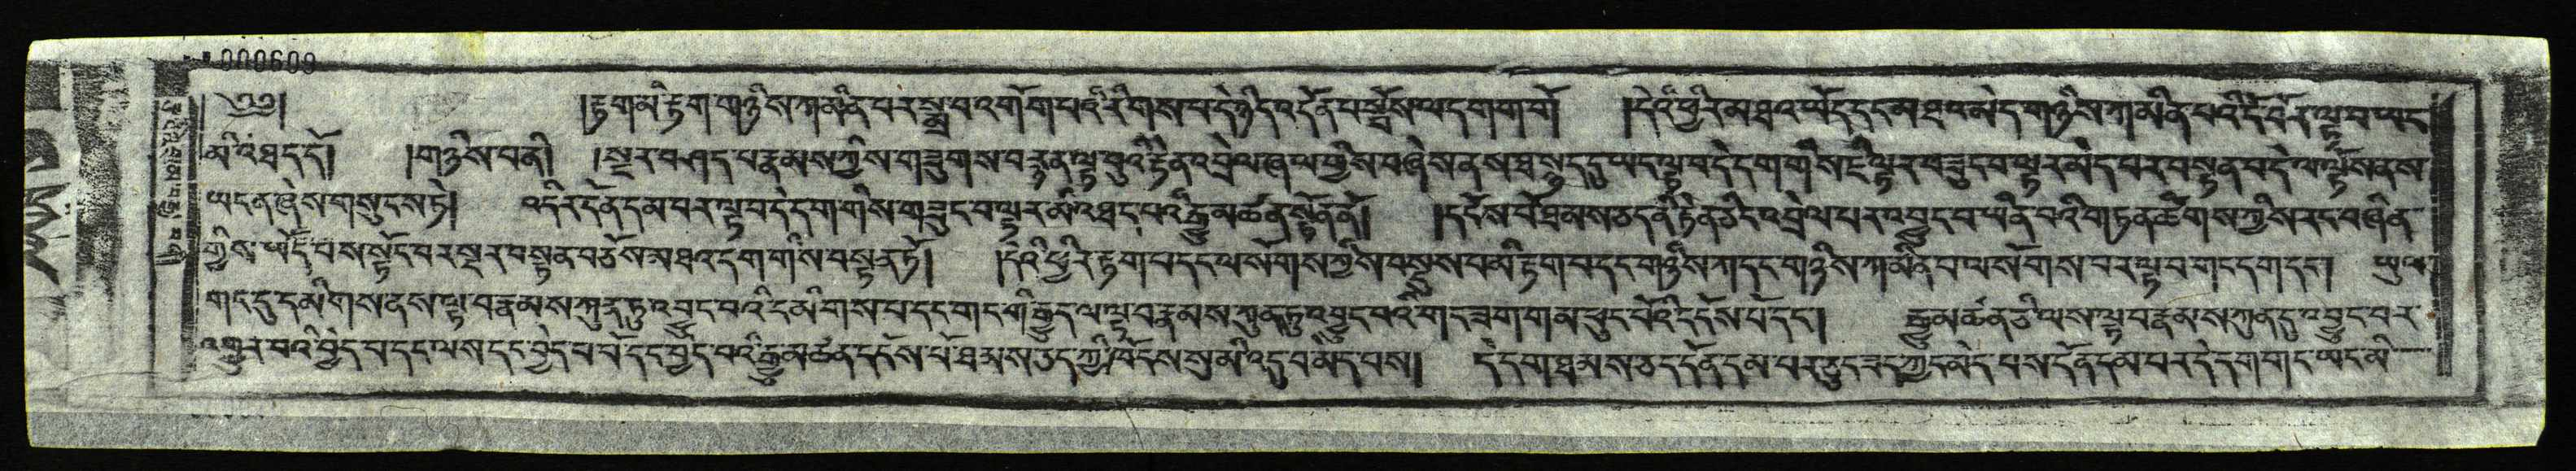༄༅། །རྟག་མི་རྟག་གཉིས་ཀ་མིན་པར་སྨྲ་བ་འགོག་པའི་རིགས་པ་དེ་ཉིད་འདོན་པ་སྤོས་ལ་དགག་གོ །དེའི་ཕྱིར་མཐའ་ཡོད་དང་མཐའ་མེད་གཉིས་ཀ་མིན་པའི་ངོ་བོར་ལྟ་བ་ཡང་
མི་འཐད་དོ། །གཉིས་པ་ནི། །སྔར་བཤད་པ་རྣམས་ཀྱིས་གཟུགས་བརྙན་ལྟ་བུའི་རྟེན་འབྲེལ་ཞལ་གྱིས་བཞེས་ནས་ཐ་སྙད་དུ་ཡང་ལྟ་བ་དེ་དག་གིས་ཇི་ལྟར་བཟུང་བ་ལྟར་མེད་པར་བསྟན་པ་དེ་ལ་ལྟོས་ནས་
ཡང་ན་ཞེས་གསུངས་ཏེ། འདིར་དོན་དམ་པར་ལྟ་བ་དེ་དག་གིས་གཟུང་བ་ལྟར་མི་འཐད་པའི་རྒྱུ་མཚན་སྟོན་ནོ། །དངོས་པོ་ཐམས་ཅད་ནི་རྟེན་ཅིང་འབྲེལ་པར་འབྱུང་བ་ཡིན་པའི་གཏན་ཚིགས་ཀྱིས་རང་བཞིན་
གྱིས་ཡོད་པས་སྟོང་བར་སྔར་བསྟན་བཅོས་མཐའ་དག་གིས་བསྟན་ཏོ། །དེའི་ཕྱིར་རྟག་པ་དང་ལ་སོགས་ཀྱིས་བསྡུས་པ་མི་རྟག་པ་དང་གཉིས་ཀ་དང་གཉིས་ཀ་མིན་པ་ལ་སོགས་པར་ལྟ་བ་གང་དག་དང་། ཡུལ་
གང་དུ་དམིགས་ནས་ལྟ་བ་རྣམས་ཀུན་ཏུ་འབྱུང་བའི་དམིགས་པ་དང་གང་གི་རྒྱུད་ལ་ལྟ་བ་རྣམས་ཀུན་ཏུ་འབྱུང་བའི་གང་ཟག་གམ་ཕུང་པོའི་དངོས་པོ་དང་། རྒྱུ་མཚན་ཅི་ལས་ལྟ་བ་རྣམས་ཀུན་དུ་འབྱུང་བར་
འགྱུར་བའི་བྱེད་པ་དང་ལས་དང་བྱེད་པ་པོ་དང་བྱེད་པའི་རྒྱུ་མཚན་དངོས་པོ་ཐམས་ཅད་ཀྱི་ཁོངས་སུ་མི་འདུ་བ་མེད་པས། དེ་དག་ཐམས་ཅད་དོན་དམ་པར་ཅུང་ཟད་ཀྱང་མེད་པས་དོན་དམ་པར་དེ་དག་གང་ཡང་མི་